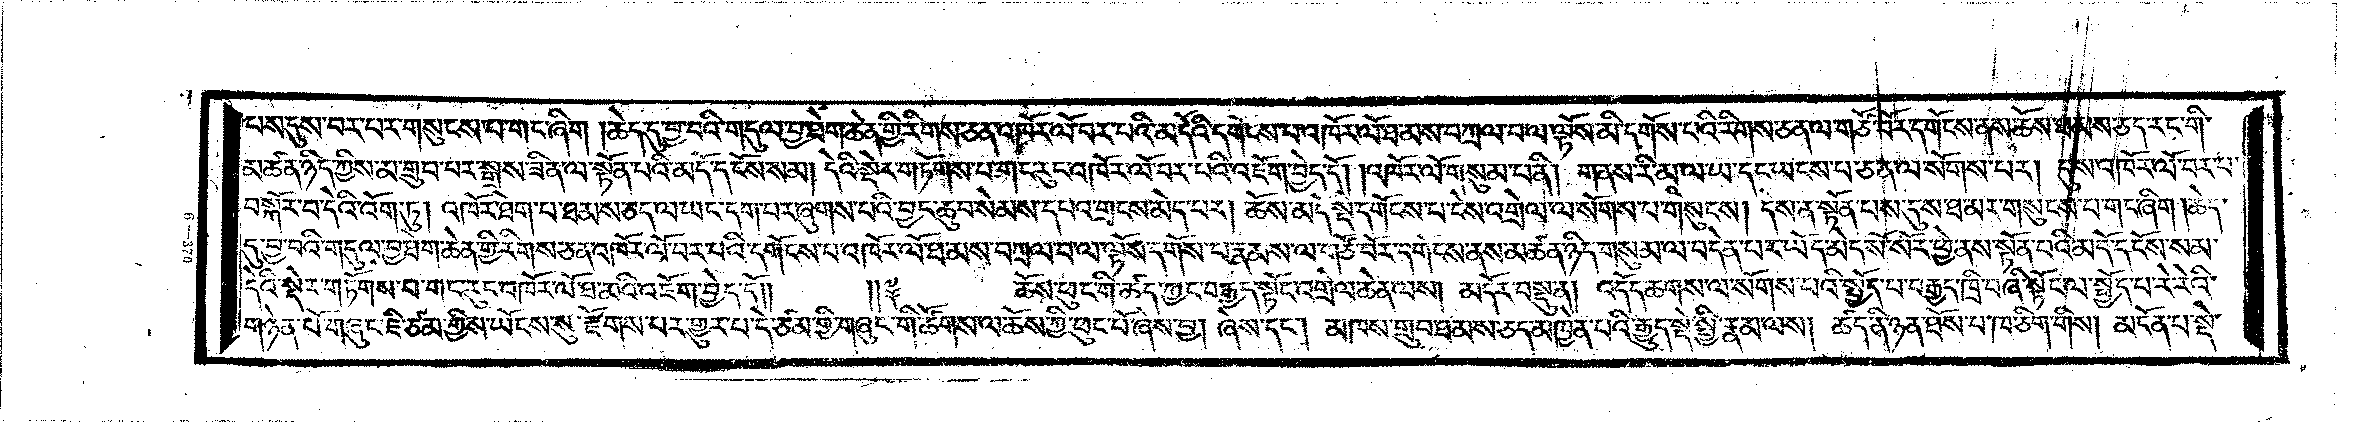པས་དུས་བར་པར་གསུངས་པ་གང་ཞིག །ཆེད་དུ་བྱ་བའི་གདུལ་བྱ་ཐེག་ཆེན་གྱི་རིགས་ཅན་འཁོར་ལོ་བར་པའི་མདོའི་དགོངས་པ་འཁོར་ལོ་ཐ་མས་བཀྲལ་བ་ལ་ལྟོས་མི་དགོས་པའི་རིགས་ཅན་ལ་གཙོ་བོར་དགོངས་ནས་ཆོས་ཐམས་ཅད་རང་གི་
མཚན་ཉིད་ཀྱིས་མ་གྲུབ་པར་སྒྲས་ཟིན་ལ་སྟོན་པའི་མདོ་དངོས་སམ། དེའི་སྡེར་གཏོགས་པ་གང་རུང་འཁོར་ལོ་བར་པའི་འཇོག་བྱེད་དོ། །འཁོར་ལོ་གསུམ་པ་ནི། གནས་རི་མཱ་ལ་ཡ་དང་ཡངས་པ་ཅན་ལ་སོགས་པར། བུས་འཁོར་ལོ་བར་པ་
བསྐོར་བ་དེའི་འོག་ཏུ། འཁོར་ཐེག་པ་ཐམས་ཅད་ལ་ཡང་དག་བར་ཞུགས་པའི་བྱང་ཆུབ་སེམས་དཔའ་གྲངས་མེད་པར། ཆོས་མདོ་སྡེ་དགོངས་པ་ངེས་འགྲེལ་ལ་སོགས་པ་གསུངས། དེས་ན་སྟོན་པས་དུས་ཐ་མར་གསུངས་པ་གང་ཞིག །ཆེད་
དུ་བྱ་བའི་གདུལ་བྱ་ཐེག་ཆེན་གྱི་རིགས་ཅན་འཁོར་ལོ་བར་པའི་དགོངས་པ་འཁོར་ལོ་ཐམས་བཀྲལ་བ་ལ་ལྟོས་དགོས་པ་རྣམས་ལ་གཙོ་བོར་དགོངས་ནས་མཚན་ཉིད་གསུམ་ལ་བདེན་པར་ཡོད་མེད་སོ་སོར་ཕྱེ་ནས་སྟོན་པའི་མདོ་དངོས་སམ་
དེའི་སྡེར་གཏོགས་པ་གང་རུང་འཁོར་ལོ་ཐ་མའི་འཇོག་བྱེད་དོ།། །།༈ ཆོས་ཕུང་གི་ཚད་ཀྱང་བརྒྱད་སྟོང་འགྲེལ་ཆེན་ལས། མདོར་བསྡུ་ན། འདོད་ཆགས་ལ་སོགས་པའི་སྤྱོད་པ་བརྒྱད་ཁྲི་བཞི་སྟོང་ལ་སྤྱོད་པ་རེ་རེའི་
གཉེན་པོ་གཞུང་ཇི་ཙམ་གྱིས་ཡོངས་སུ་རྫོགས་པར་གྱུར་པ་དེ་ཙམ་གྱི་གཞུང་གི་ཚོགས་ལ་ཆོས་ཀྱི་ཕུང་པོ་ཞེས་བྱ། ཞེས་དང་། མཁས་གྲུབ་ཐམས་ཅད་མཁྱེན་པའི་རྒྱུད་སྡེ་སྤྱི་རྣམ་ལས། ཚད་ནི་ཉན་ཐོས་པ་ཁ་ཅིག་གིས། མངོན་པ་སྡེ་